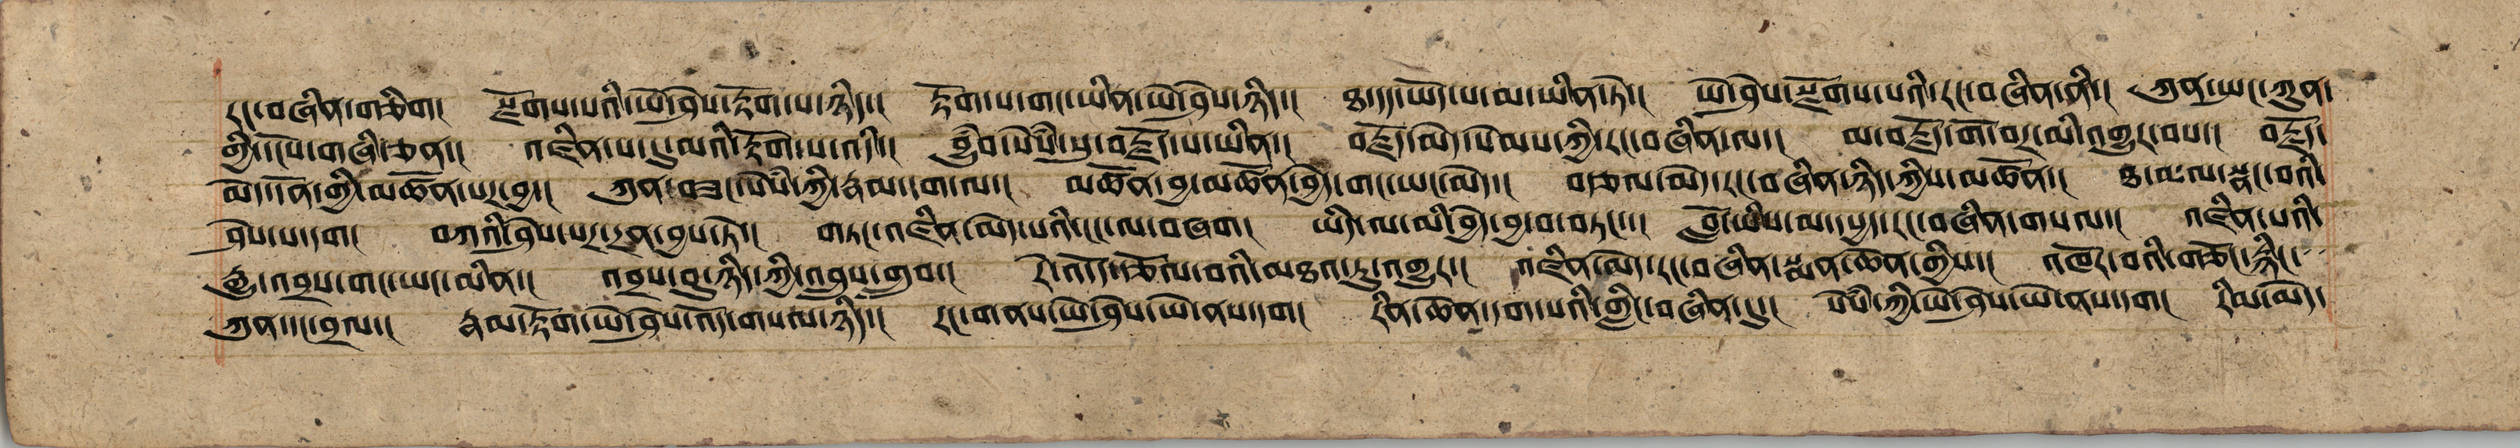རང་བཞིན་གཅིག། སྫོགས་པའི་ཡེ་ཤེས་རྟོག་པ་ཉིད་། རྟོག་པ་གང་ཡིན་ཡེ་ཤེས་ཉིད་། ཐ་དད་ཡོད་པ་མ་ཡིན་ཏེ་། ཡེ་ཤེས་སྫོགས་པའི་རང་བཞིན་ནི་། ཀུན་སྤང་ཀུན་
གྱི་དངོས་གཞི་ཅན་། འཛིན་པ་དུ་མའི་རྟོག་པ་འདི་། བྱུཾབ་སེཾས་སུ་བརྗོད་པ་ཡིན་། བརྗོད་མེད་སེམས་ཀྱི་རང་བཞིན་ལ་། མ་བརྗོད་གོ་བར་མི་འགྱུར་བས་། བརྗོད་
མེད་དོན་གྱི་མཚོན་པར་བྱ་། ཀུན་བཟང་སེཾས་ཀྱི་རྣམ་དག་ལ་། མཚོན་བྱ་མཚོན་བྱེད་གང་ཡང་མེད་། བརྩལ་མེད་རང་བཞིན་ཉིད་ཀྱིས་མཚོན་། ཐ་མལ་སྣང་བའི་
ཤེས་པ་དག། བཀའི་ཤེས་པར་དྲན་བྱས་ཏེ་། གཏང་འཛིན་མེད་པའི་ངང་ལ་བཞག། ཡིད་ལ་མི་བྱེད་བྱ་བ་བཏང་་། བློ་ཡིས་མ་དཔྱད་རང་བཞིན་གསལ་། འཛིན་པའི་
རྒྱུ་འབྲས་གང་ཡང་མིན་། འབྲས་བུ་ཉིད་ཀྱི་འབྲུས་གྲུབ་། རེ་འདོད་རྩོལ་བའི་མཐའ་རུ་འགྱུར་། འཛིན་མེད་རང་བཞིན་སྨན་ཆེན་གྱིས་། འཁོར་བའི་གཅོང་སྙིང་
ཀུན་དང་བྲལ་། རྣམ་རྟོག་ཡེ་ཤེས་འོད་གསལ་ཉིད་། རང་གནས་ཡེ་ཤེས་ཡེ་ནས་དག། རིན་ཆེན་དག་པའི་གླིང་བཞིན་དུ་། སེཾས་ཀྱི་ཡེ་ཤེས་ཡེ་ནས་དག། རིམ་མེད་